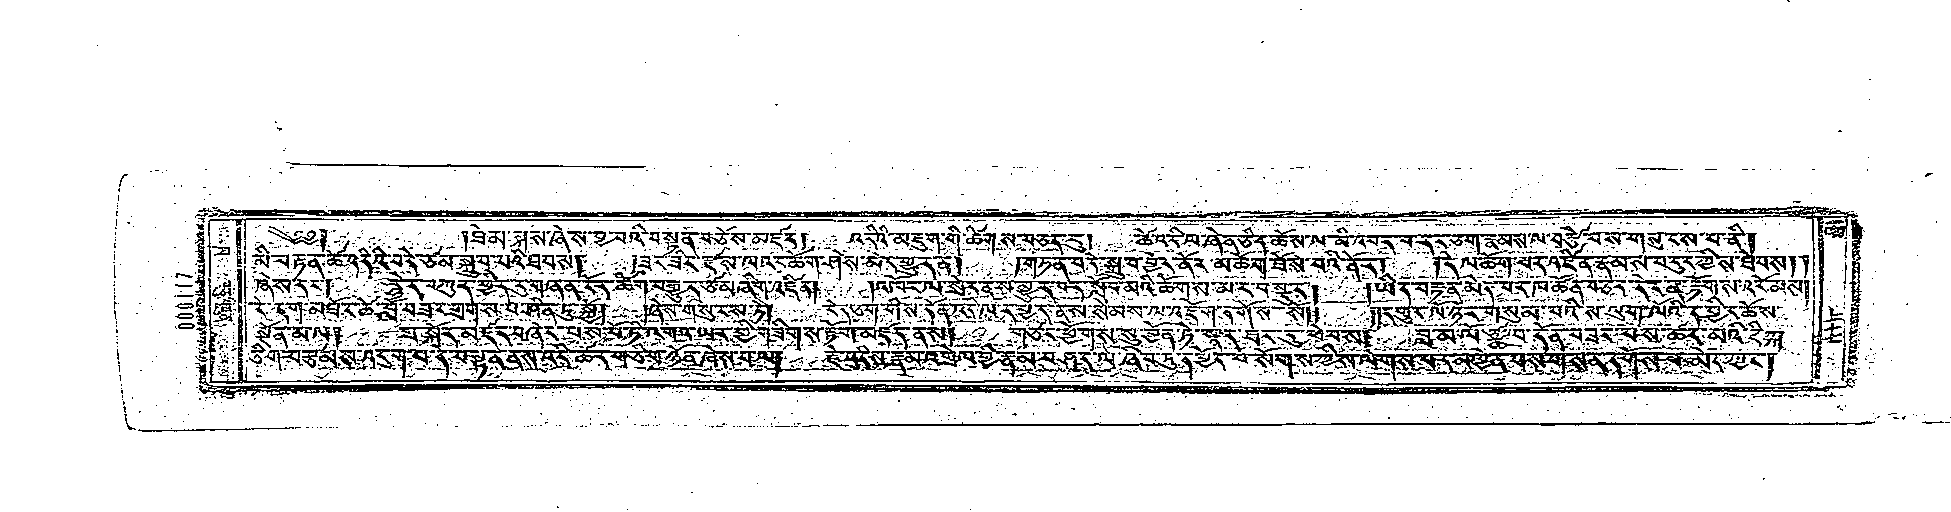༄༅། །ཐེམ་སྐས་ཞེས་བྱ་བའི་བསྟན་བཅོས་མཛད། འདིའི་མཇུག་གི་ཚིགས་བཅད་དུ། ཚེ་འདི་ལ་ཞེན་ཅིད་ཆོས་ལ་མི་འབད་པ་རང་ཅག་རྣམས་ལ་བརྩེ་བས་གསུངས་པ་ནི།
མི་བརྟན་ཚེ་འདིའི་བདེ་ཙམ་སྐྲུབ་པའི་ཐབས། །ཟང་ཟིང་རྫས་ལའང་ཆོག་ཤེས་མེད་གྱུར་ན། །གཏན་བདེ་སྒྲུབ་བྱེད་ནོར་མཆོག་ཐོས་བའི་ནོར། །དེ་ལ་ཆོག་པར་འཛིན་རྣམས་བདུད་ཀྱིས་ཐབས།།
ཞེས་དང་། དེད་བཀུར་ཕྱིར་དུ་གཞན་དོར་ཚིག་བརྒྱུད་ཙམ་ཞིག་འཛིན། །འཁོར་ལ་སྲེར་ནས་མྱུར་བར་སློབ་མའི་ཚོགས་མང་བསྡུར། །ཡིད་བརྟན་མེད་པར་ཁ་ཚོན་བཅད་དེར་ན་རྟོགས་འདོམས།
དེ་དག་མཐོང་ཚེ་བློ་བཟང་གྲགས་པ་ཤིན་ཏུ་སྐྱོ། །ཞེས་གསུངས་ཏེ། ངེད་ཅག་གིས་དོན་འདི་ལ་དཔྱད་ནས་སེམས་ལ་འཇོག་དགོས་སོ།། །།དགུང་ལོ་ཉེར་གསུམ་པའི་ས་ལུག་ལོའི་དབྱིང་ཆོས་
སྔོན་མ་ལ། གྲ་སྐོར་མཛད་བཞེད་པས་པོ་ཏི་འགའ་ཡར་གྱི་གཟིགས་རྟོག་མཛད་ནས། གཙང་ཕྱོགས་སུ་བྱོན་ཏེ་སྣར་ཐང་དུ་ཕེབས། བླ་མ་ལོ་ཙྪ་བ་དོན་བཟང་པས་ཚར་མའི་ཌིཀྐ་
ཅིག་བརྩམས་འདུག་པ་དེ་བསྟན་ནས་འདི་ཚར་གཅིག་ཉོན་ཞེས་པ་ལ། རྗེ་འདིས་རྣམ་འགྲེལ་གྱི་རྣམ་བཤད་ལ་ཞིབ་ཏུ་དཔྱོད་པ་སོགས་ཀྱིས་ལེགས་པར་མཁྱེན་པས་གསན་དགོས་པ་མེད་ཀྱང་།